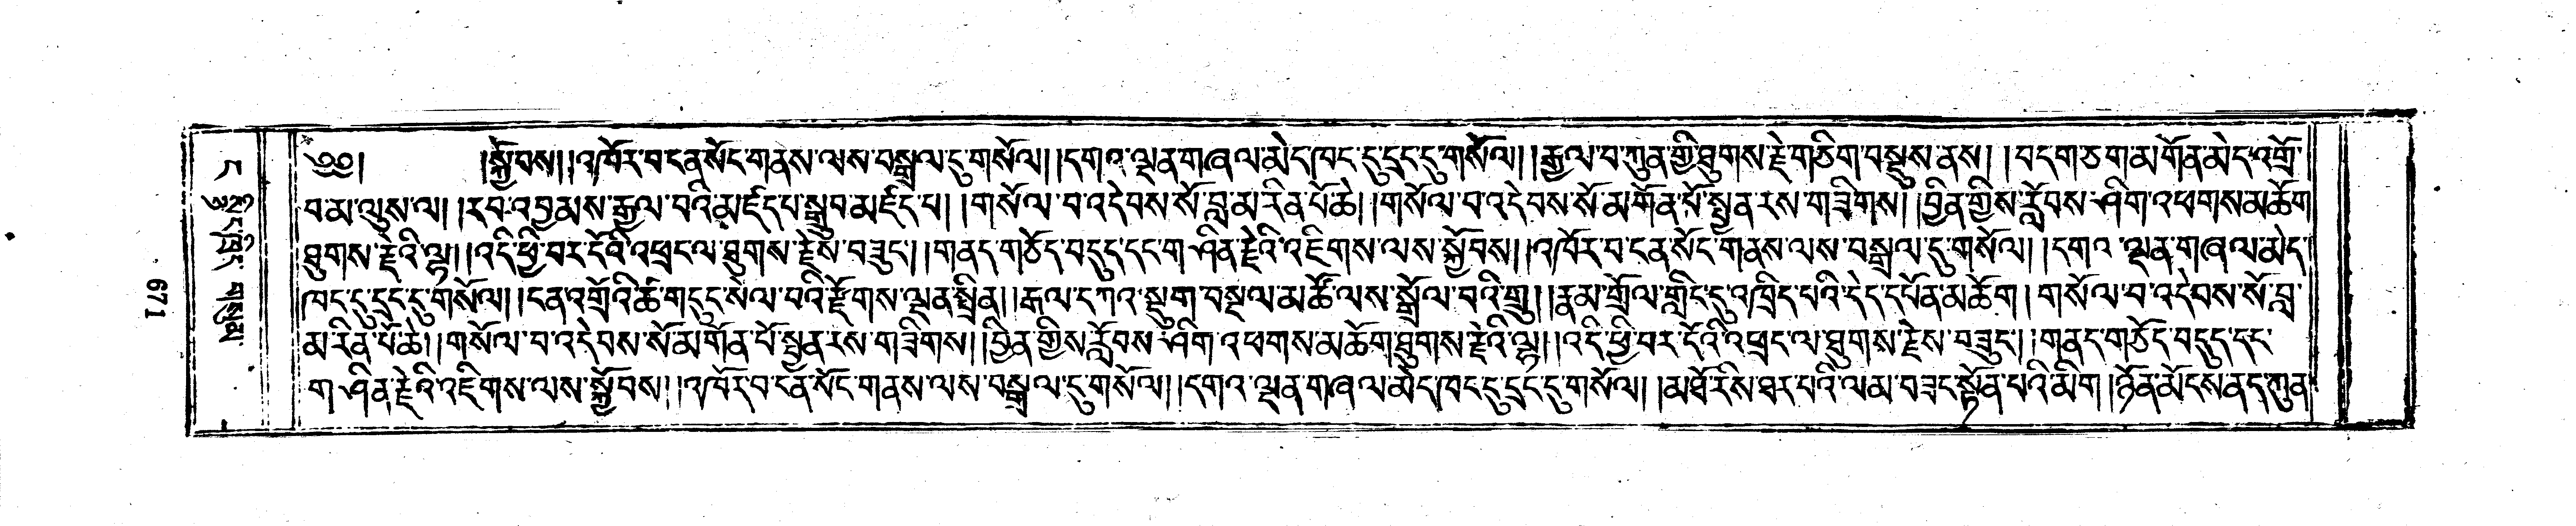༄༅། །སྐྱོབས། །འཁོར་བ་ངན་སོང་གནས་ལས་བསྒྲལ་དུ་གསོལ། །དགའ་ལྡན་གཞལ་མེད་ཁང་དུ་དྲང་དུ་གསོལ། །རྒྱལ་བ་ཀུན་གྱི་ཐུགས་རྗེ་གཅིག་བསྡུས་ནས། །བདག་ཅག་མགོན་མེད་འགྲོ་
བ་མ་ལུས་ལ། །རབ་འབྱམས་རྒྱལ་བའི་མཛད་པ་སྒྲུབ་མཛད་པ། །གསོལ་བ་འདེབས་སོ་བླ་མ་རིན་པོ་ཆེ། །གསོལ་བ་འདེབས་སོ་མགོན་པོ་སྤྱན་རས་གཟིགས། །བྱིན་གྱིས་རློབས་ཤིག་འཕགས་མཆོག་
ཐུགས་རྗེའི་ལྷ། །འདི་ཕྱི་བར་དོའི་འཕྲང་ལ་ཐུགས་རྗེས་བཟུང་། །གནད་གཅོད་བདུད་དང་གཤིན་རྗེའི་འཇིགས་ལས་སྐྱོབས། །འཁོར་བ་ངན་སོང་གནས་ལས་བསྒྲལ་དུ་གསོལ། །དགའ་ལྡན་གཞལ་མེད་
ཁང་དུ་དྲང་དུ་གསོལ། །ངན་འགྲོའི་ཚ་གདུང་སེལ་བའི་རྫོགས་ལྡན་སྤྲིན། །རྒལ་དཀའ་སྡུག་བསྔལ་མཚོ་ལས་སྒྲོལ་བའི་གྲུ། །རྣམ་གྲོལ་གླིང་དུ་འཁྲིད་པའི་དེད་དཔོན་མཆོག །གསོལ་བ་འདེབས་སོ་བླ་
མ་རིན་པོ་ཆེ། །གསོལ་བ་འདེབས་སོ་མགོན་པོ་སྤྱན་རས་གཟིགས། །བྱིན་གྱིས་རློབས་ཤིག་འཕགས་མཆོག་ཐུགས་རྗེའི་ལྷ། །འདི་ཕྱི་བར་དོའི་འཕྲང་ལ་ཐུགས་རྗེས་བཟུང་། །གནད་གཅོད་བདུད་དང་
གཤིན་རྗེའི་འཇིགས་ལས་སྐྱོབས། །འཁོར་བ་ངན་སོང་གནས་ལས་བསྒྲལ་དུ་གསོལ། །དགའ་ལྡན་གཞལ་མེད་ཁང་དུ་དྲང་དུ་གསོལ། །མཐོ་རིས་ཐར་པའི་ལམ་བཟང་སྟོན་པའི་མིག །ཉོན་མོངས་ནད་ཀུན་